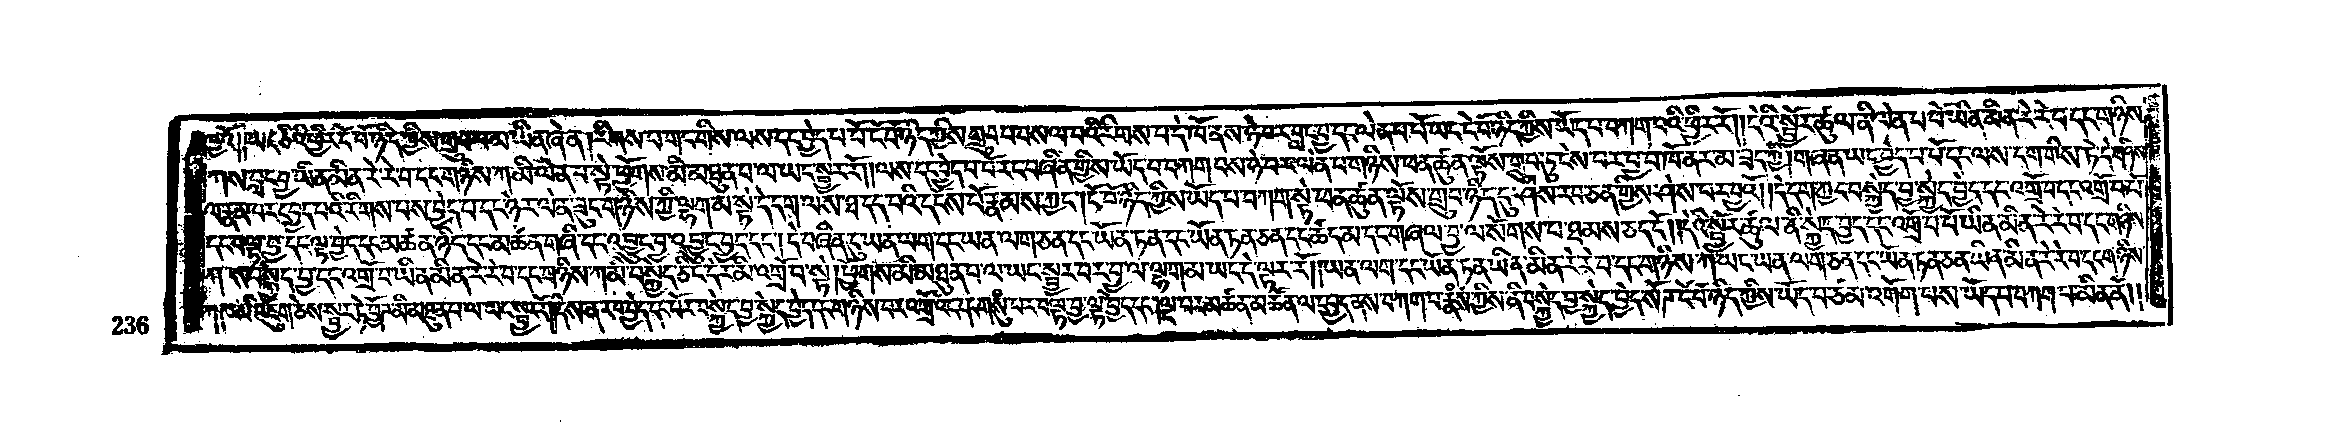བྱའོ། །ཡང་ཅིའི་ཕྱིར་ངོ་བོ་ཉིད་ཀྱིས་གྲུབ་པ་མ་ཡིན་ཞེ་ན། རིགས་པ་གང་གིས་ལས་དང་བྱེད་པ་པོ་ངོ་བོ་ཉིད་ཀྱིས་གྲུབ་པ་བསལ་བའི་རིགས་པ་དེ་ཁོ་ནས་ཉེ་བར་བླང་བྱ་དང་ལེན་པ་པོ་ཡང་ངོ་བོ་ཉིད་ཀྱིས་ཡོད་པ་བཀག་པའི་ཕྱིར་རོ། །དེའི་སྦྱོར་ཚུལ་ནི་ལེན་པ་པོ་ཡིན་མིན་རེ་རེ་བ་དང་གཉིས་
ཀས་བླང་བྱ་ཡིན་མིན་རེ་རེ་བ་དང་གཉིས་ཀ་མི་ལེན་པ་སྟེ་ཕྱོགས་མི་མཐུན་པ་ལ་ཡང་སྦྱར་རོ། །ལས་དང་བྱེད་པ་པོ་རང་བཞིན་གྱིས་ཡོད་པ་བཀག་པས་ཉེ་བར་ལེན་པ་གཉིས་ཕན་ཚུན་ལྟོས་གྲུབ་ཏུ་ངེས་པར་བྱ་བ་ཁོ་ནར་མ་ཟད་ཀྱི། གཞན་ཡང་བྱེད་པ་པོ་དང་ལས་དག་གིས་ཏེ་དེ་གཉིས་
ལ་རྣམ་པར་དབྱད་པའི་རིགས་པས་བྱེད་པ་དང་ཉེར་ལེན་ཟུང་གཉིས་ཀྱི་ལྷག་མ་སྟེ་དེ་དག་ལས་ཐ་དད་པའི་དངོས་པོ་རྣམས་ཀྱང་། ངོ་བོ་ཉིད་ཀྱིས་ཡོད་པ་བཀག་སྟེ་ཕན་ཚུན་ལྟོས་གྲུབ་ཉིད་དུ་ཤེས་རབ་ཅན་གྱིས་ཤེས་པར་བྱའོ། །དེ་དག་ཀྱང་བསྐྱེད་བྱ་སྐྱེད་བྱེད་དང་འགྲོ་བ་དང་འགྲོ་བ་པོ་
དང་བལྟ་བྱ་དང་ལྟ་བྱེད་དང་མཚན་ཉིད་དང་མཚན་གཞི་དང་འབྱུང་བྱ་འབྱུང་བྱད་དང་། དེ་བཞིན་དུ་ཡན་ལག་དང་ཡན་ལག་ཅན་དང་ཡོན་ཏན་དང་ཡོན་ཏན་ཅན་དང་ཚད་མ་དང་གཞལ་བྱ་ལ་སོགས་པ་ཐམས་ཅད་དོ། །དེའི་སྦྱོར་ཚུལ་ནི་སྐྱེད་བྱད་དང་འགྲོ་བ་པོ་ཡིན་མིན་རེ་རེ་བ་དང་གཉིས་
ཀས་བསྐྱེད་བྱ་དང་འགྲོ་བ་ཡིན་མིན་རེ་རེ་བ་དང་གཉིས་ཀ་མི་བསྐྱེད་ཅིང་དེར་མི་འགྲོ་བ་སྟེ། ཕྱོགས་མི་མཐུན་པ་ལ་ཡང་སྦྱར་བར་བྱ་ལ་ལྷག་མ་ཡང་དེ་ལྟར་རོ། །ཡན་ལག་དང་ཡོན་ཏན་ཡིན་མིན་རེ་རེ་བ་དང་གཉིས་ཀ་ཡང་ཡན་ལག་ཅན་དང་ཡོན་ཏན་ཅན་ཡིན་མིན་རེ་རེ་བ་དང་གཉིས་
ཀ་ལ་མི་འཇུག་ཅེས་སྦྱར་ཏེ་ཕྱོཌ་མི་མཐུན་པ་ལ་ཡང་སྦྱར་རོ། །དེས་ན་རབ་བྱེད་དང་པོར་བསྐྱེད་བྱ་སྐྱེད་བྱེད་དང་གཉིས་པར་འགྲོ་འང་དང་གསུམ་པར་བལྟ་བྱ་ལྟ་བྱེད་དང་། ལྔ་པར་མཚན་མཚོན་ལ་དཔྱད་ནས་བཀག་པ་རྣཾས་ཀྱིས་ནི་བསྐྱེད་བྱ་སྐྱེད་བྱེད་སོཌ་ངོ་བོ་ཉིད་ཀྱིས་ཡོད་པ་ཙམ་འགོག་པས་ཡོད་པ་བཀག་པ་མིན་ནོ།།